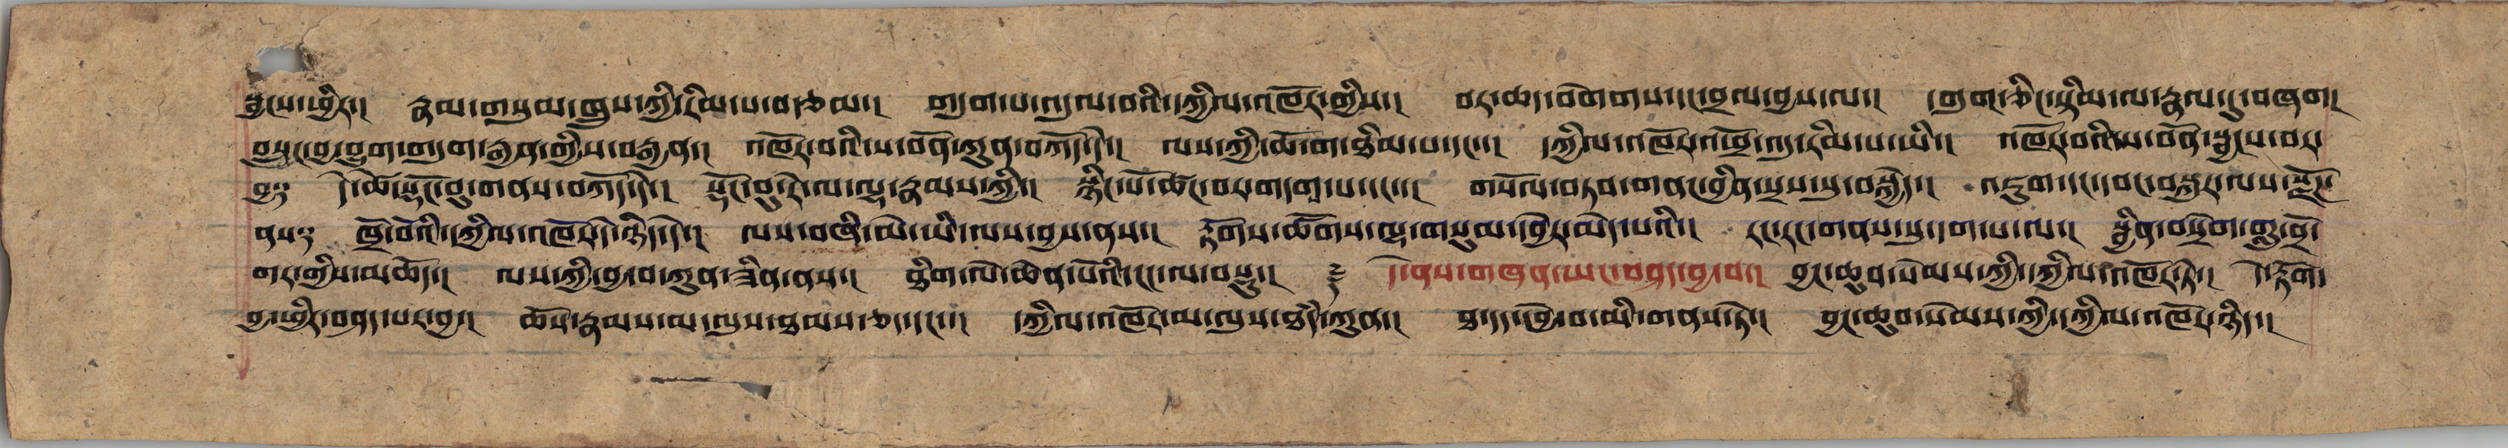སྦྱངས་ཕྱིར་། རྣམ་གསུམ་ཁྲུས་ཀྱི་རིམ་པ་བརྩམ་། གདུག་པ་འདུལ་བའི་དཀྱིལ་འཁོར་གྱིས་། བར་ཆད་བགེགས་དང་བྲལ་བྱས་ལ་། དགུག་ཅིང་སྟིམ་ལ་རྣལ་དུ་བཞག།
བསྲུང་བྱ་བྱུག་གདུག་རྒྱན་གྱིས་བརྒྱན་། འཁོར་བའི་ས་བོན་ཀུན་བཀོད་དེ་། ལས་ཀྱི་ཆོ་ག་ཐིམ་པ་དང་་། དཀྱིལ་འཁོར་འཕྲོ་འདུ་རིམ་པ་ཡི་། འཁོར་བའི་ས་བོན་སྦྱངས་བར་
བྱ༑ དེ་ཚེ་སྡོང་བུ་གནས་བཀོད་དེ་། སྡོང་བུ་རེ་ལ་ལྷ་རྣམས་ཀྱི་། སྙིང་པོ་ཚོང་བར་གདགས་པ་དང་་། གསོལ་བཏབ་གནང་བྱིན་སྲས་སུ་བསྐྱེད་། འཇུག་དང་དབང་བསྐུར་ལས་སྫོཌ་
ནས༑ ཁྲོ་བོའི་དཀྱིལ་འཁོར་དེ་ཉིད་དེ་། ལས་བཞི་མེ་ཡི་ལས་བྱས་ནས་། རྟོགས་ཚོགས་ལྷ་གསུམ་དབྱེར་མེད་པའི་། རང་རང་གནས་སུ་དག་པ་ལ་། སྦྱིན་བསྲེག་གླུ་བྲོ་
གར་གྱིས་མཆོད་། ལས་ཀྱི་བྱ་བ་ཀུན་ཟིན་ནས་། ཐིག་ལེ་ཆེན་པོའི་ངང་ལ་བསྡུ་། ༈ དེ་ནས་གཞན་ཡང་བཤད་བྱ་བ་། བྱང་ཆུབ་སེམས་ཀྱི་དཀྱིལ་འཁོར་ཏེ་། དེ་རྟོག་
བྱ་ཕྱིར་བཤད་པར་བྱ་། ཆོས་རྣམས་མ་ལུས་ཐམས་ཅད་དང་་། དཀྱིལ་འཁོར་མ་ལུས་ཐཾད་ཀུན་། ཐ་དད་དབྱེ་བ་མི་གནས་ཏེ་། བྱང་ཆུབ་སེམས་ཀྱི་དཀྱིལ་འཁོར་ཉིད་།